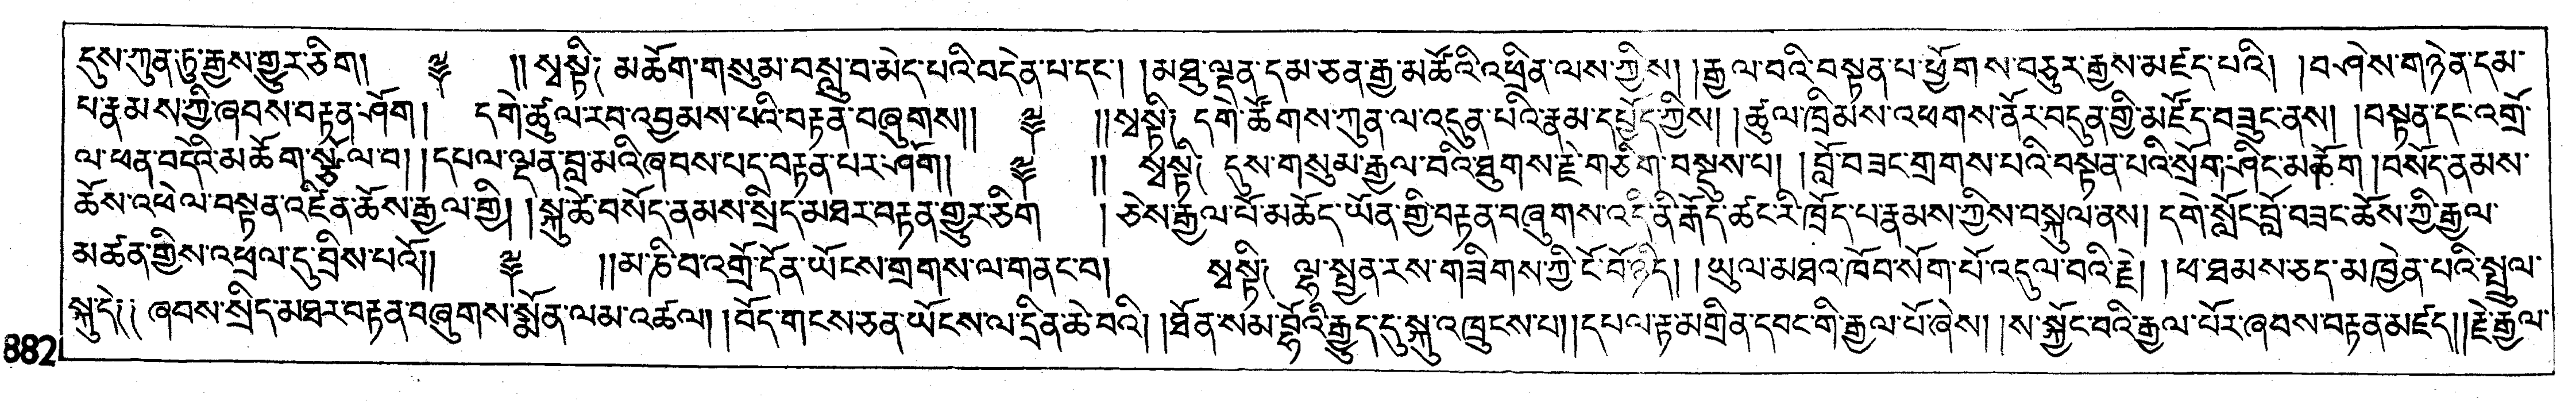དུས་ཀུན་ཏུ་རྒྱས་གྱུར་ཅིག ། ༈ །།སྭསྟི༑ མཆོག་གསུམ་བསླུ་བ་མེད་པའི་བདེན་པ་དང་། །མཐུ་ལྡན་དམ་ཅན་རྒྱ་མཚོའི་འཕྲིན་ལས་ཀྱིས། །རྒྱལ་བའི་བསྟན་པ་ཕྱོགས་བཅུར་རྒྱས་མཛད་པའི། །བཤེས་གཉེན་དམ་
པ་རྣམས་ཀྱི་ཞབས་བརྟན་ཤོག །དགེ་ཚུལ་རབ་འབྱམས་པའི་བརྟན་བཞུགས།། ༈ །།སྭསྟི༑ དགེ་ཚོགས་ཀུན་ལ་འདུན་པའི་རྣམ་དཔྱོད་ཀྱིས། །ཚུལ་ཁྲིམས་འཕགས་ནོར་བདུན་གྱི་མཛོད་བཟུང་ནས། །བསྟན་དང་འགྲོ་
ལ་ཕན་བདེའི་མཆོག་སྩོལ་བ། །དཔལ་ལྡན་བླ་མའི་ཞབས་པད་བརྟན་པར་ཤོག ། ༈ །།སྭ་སྟི༑ དུས་གསུམ་རྒྱལ་བའི་ཐུགས་རྗེ་གཅིག་བསྡུས་པ། །བློ་བཟང་གྲགས་པའི་བསྟན་པའི་སྲོག་ཤིང་མཆོག །བསོད་ནམས་
ཆོས་འཕེལ་བསྟན་འཛིན་ཆོས་རྒྱལ་གྱི། །སྐུ་ཚེ་བསོད་ནམས་སྲིད་མཐར་བརྟན་གྱུར་ཅིག །ཅེས་རྒྱལ་པོ་མཆོད་ཡོན་གྱི་བརྟན་བཞུགས་འདི་ནི་རྒོད་ཚང་རི་ཁྱོད་པ་རྣམས་ཀྱིས་བསྐུལ་ནས། དགེ་སློང་བློ་བཟང་ཆོས་ཀྱི་རྒྱལ་
མཚན་གྱིས་འཕྲལ་དུ་བྲིས་པའོ།། ༈ །།མ་ཎི་བ་འགྲོ་དོན་ཡོངས་གྲགས་ལ་གནང་བ། སྭ་སྟི༑ ལྷ་སྤྱན་རས་གཟིགས་ཀྱི་ངོ་བོ་ཉིད། །ཡུལ་མཐའ་ཁོབ་སོག་པོ་འདུལ་བའི་རྗེ། །ཕ་ཐམས་ཅད་མཁྱེན་པའི་སྤྲུལ་
སྐུ་དེ༑ ༑ཞབས་སྲིད་མཐར་བརྟན་བཞུགས་སྨོན་ལམ་འཚལ། །བོད་གངས་ཅན་ཡོངས་ལ་དྲིན་ཆེ་བའི། །ཐོན་སམ་བྷོའི་རྒྱུད་དུ་སྐུ་འཁྲུངས་པ། །དཔལ་རྟ་མགྲིན་དབང་གི་རྒྱལ་པོ་ཞེས། །ས་སྐྱོང་བའི་རྒྱལ་པོར་ཞབས་བརྟན་མཛད། །རྗེ་རྒྱལ་